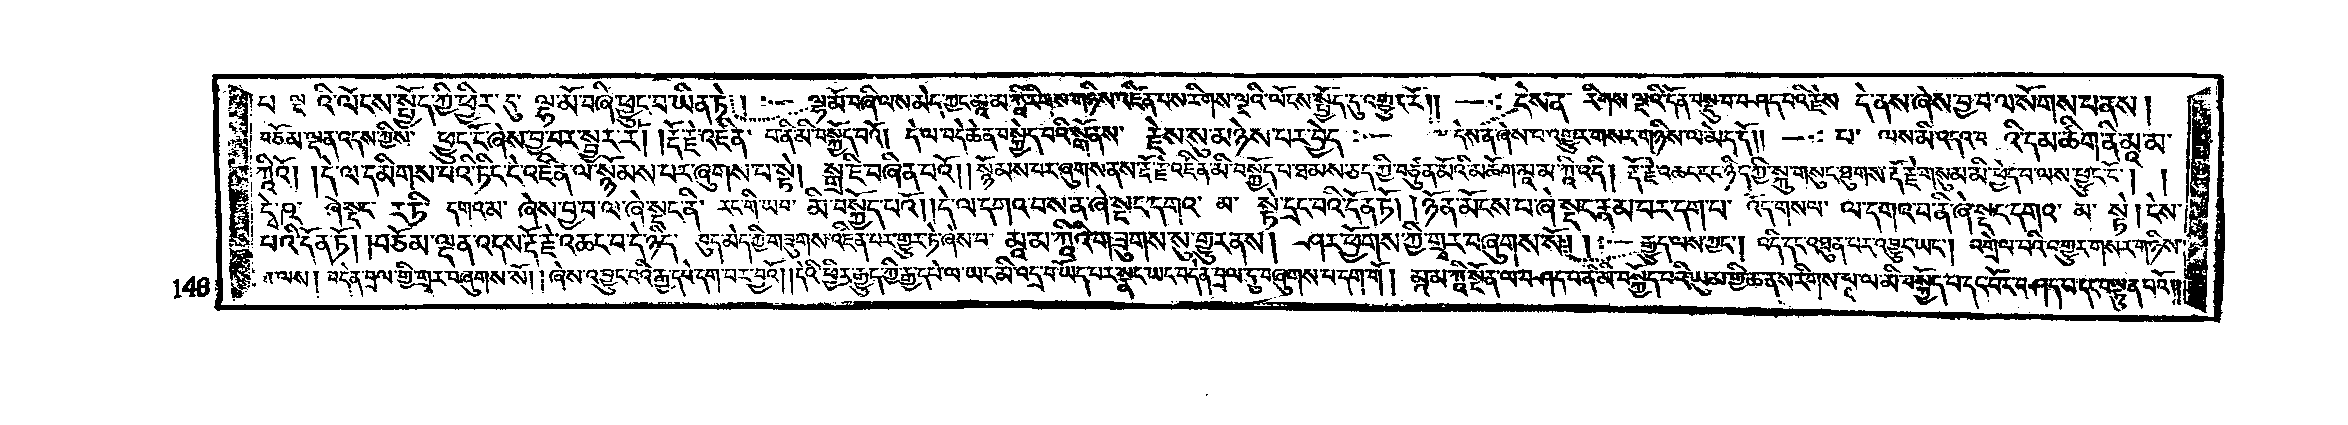པ་ལྔའི་ལོངས་སྤྱོད་ཀྱི་ཕྱིར་དུ་ལྷ་མོ་བཞི་ཕྱུང་བ་ཡིན་ཏེ། H.་ལྷ་མོ་བཞི་ལས་མེད་ཀྱང་མཱ་མ་ཀཱི་རིགས་གཉིས་འཛིན་པས་རིགས་ལྔའི་ལོངས་སྤྱོད་དུ་འགྱུར་རོ།།  .H དེས་ན་རིགས་ལྔའི་དོན་བསྡུ་བ་བཤད་པའི་རྗེས་དེ་ནས་ཞེས་བྱ་བ་ལ་སོགས་པ་ནས།
བཅོམ་ལྡན་འདས་ཀྱིས་ཕྱུང་ངོ་ཞེས་བྱ་བར་སྦྱར་རོ། །རྡོ་རྗེ་འཛིན་པ་ནི་མི་བསྐྱོད་པའོ། དེ་ལ་བདེ་ཆེན་བསྐྱེད་པའི་སྒོ་ནས་རྗེས་སུ་མཉེས་པར་བྱེད་H.་༧དེས་ན་ཞེས་པ་འགྱུར་གསར་གཉིས་ལ་མེད་དོ།།  .H པ་ལས་མི་འདའ་བའི་དམ་ཚིག་ནི་མཱ་མ་
ཀཱིའོ། །དེ་ལ་དམིགས་པའི་ཏིང་ངེ་འཛིན་ལ་སྙོམས་པར་ཞུགས་པ་སྟེ། སྒྲ་ཇི་བཞིན་པའོ། ། སྙོམས་པར་ཞུགས་ནས་རྡོ་རྗེ་འཛིན་མི་བསྐྱོད་པ་ཐམས་ཅད་ཀྱི་བཙུན་མོའི་མཆོག་མཱ་མ་ཀཱི་འདི། རྡོ་རྗེ་འཆང་རང་ཉིད་ཀྱི་སྐུ་གསུང་ཐུགས་རྡོ་རྗེ་གསུམ་མི་ཕྱེད་པ་ལས་ཕྱུང་ངོ། །
དྭེ་ཥ་ཞེ་སྡང་ར་ཏི་དགའ་མ་ཞེས་བྱ་བ་ལ་ཞེ་སྡང་ནི་རང་གི་ཡབ་མི་བསྐྱོད་པའོ། །དེ་ལ་དགའ་བས་ན་ཞེ་སྡང་དགའ་མ་སྟེ་དྲང་བའི་དོན་ཏོ། །ཉོན་མོངས་པ་ཞེ་སྡང་རྣམ་པར་དག་པ་འོད་གསལ་ལ་དགའ་བ་ནི་ཞེ་སྡང་དགའ་མ་སྟེ། ངེས་
པའི་དོན་ཏོ། །བཅོམ་ལྡན་འདས་རྡོ་རྗེ་འཆང་བ་དེ་ཉིད་བུད་མེད་ཀྱི་གཟུགས་འཛིན་པར་གྱུར་ཏེ་ཞེས་པ་མཱ་མ་ཀཱིའི་གཟུགས་སུ་གྱུར་ནས། ཤར་ཕྱོགས་ཀྱི་གྲྭར་བཞུགས་སོ། །H.་རྒྱུད་ལས་ཀྱང་། འདི་དང་འཐུན་པར་འབྱུང་ཡང་། འགྲེལ་པའི་འགྱུར་གསར་གཉིས་
ཀ་ལས། བདེན་བྲལ་གྱི་གྲྭར་བཞུགས་སོ། །ཞེས་འབྱུང་བའི་རྒྱ་དཔེ་དག་པར་བྱའོ། །དེའི་ཕྱིར་རྒྱུད་ཀྱི་རྒྱ་དཔེ་ལ་ཡང་མི་འདྲ་བ་ཡོད་པར་སྣང་ཡང་བདེན་བྲལ་དུ་བཞུགས་པ་དག་གོ །མཱ་མ་ཀཱི་སྔོན་ལ་བཤད་པ་ནི་མི་བསྐྱོད་པའི་ཡུམ་གྱི་ཆ་ནས་རིགས་ལྔ་ལ་མི་བསྐྱོད་པ་དང་པོར་བཤད་པ་དང་བསྟུན་པའོ།།